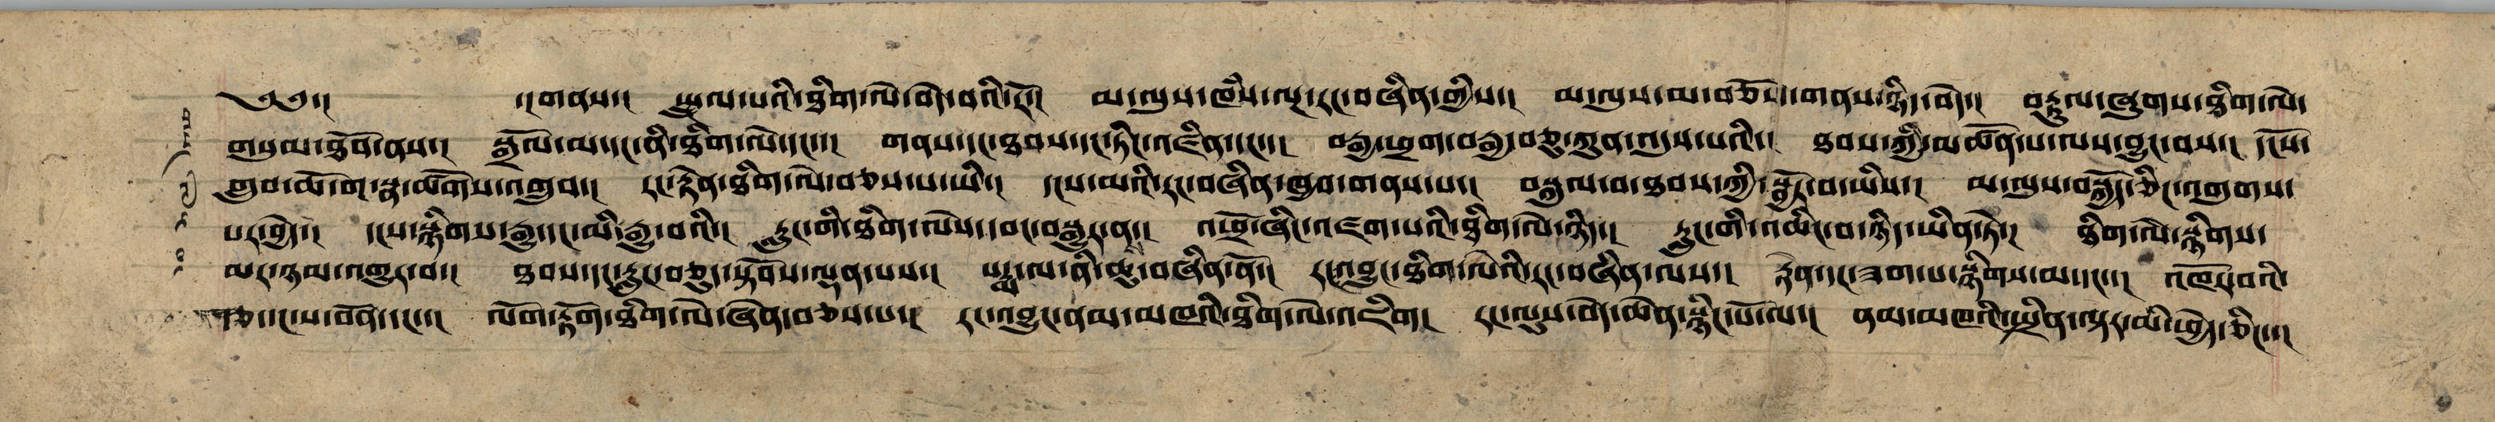༄༅་། ་།གནས་། སྤྲུལ་པའི་ཐིག་ལེ་བདེ་བའི་རོ་། མ་ལུས་ཁཾས་ལྔ་རང་བཞིན་གྱིས་། མ་ལུས་མ་བཅོས་གནས་ཉིད་བདེ་། བརྟུལ་ཞུགས་ཐིག་ལེ་
གསུམ་ཐོབ་ནས་། སྒྲོལ་མ་དང་ནི་ཐིག་ལེ་དང་་། གནས་དང་ཐབས་དང་ཏིང་འཛིན་དང་་། བརྒྱ་ཕྲག་བརྒྱ་བཅུ་ཀུན་འདུས་པའི་། ཐབས་ཀྱི་མཚོན་པ་ལས་བྱུང་བས་། དངོས་
གྲུབ་ཆོ་ག་སྣ་ཚོགས་འགྲུབ་། རང་རྟེན་ཐིག་ལེ་བཅས་པ་ཡི་། དངས་མའི་རང་བཞིན་ཁྱབ་གནས་པ་། བསྐུལ་བ་ཐབས་ཀྱི་སྦྱོར་བ་ཡིས་། མ་ལུས་བསྐྱོད་ཅིང་འགུགས་
པར་བྱེད་། དངས་སྙིགས་རྒྱུ་དང་མི་རྒྱུ་བའི་། རླུང་གི་ཐིག་ལེས་དབང་བསྒྱུར་ནས་། འཕྲོ་ཞིང་འཛག་པའི་ཐིག་ལེ་ཉིད་། རླུང་གི་འཆིང་བ་ཉིད་ཡིན་ཏེ་། ཐིག་ལེ་སྙིགས་
མར་ཉམ་འགྱུར་བ་། ཐབས་དང་རླུང་བཅུད་སྟོབས་ལྡན་པས་། པདྨ་ལ་ནི་ཆུ་བཞིན་ནོ་། རངའབྱུང་ཐིག་ལེའི་རང་བཞིན་ལས་། རྟེན་དང་ཟག་པ་སྙིགས་མ་དང་་། འཁོར་བའི་
རྩ་དང་ས་བོན་དང་་། ལོག་རྟོག་ཐིག་ལེ་ཞེན་བཅས་པ་། རང་འབྱུང་ནམ་མཁའི་ཐིག་ལེ་འཇིག། རང་ལུས་བདེ་ཆེན་སྙིང་པོ་ལ་། ནམ་མཁའི་སྤྲིན་ལྟར་མི་ཕྱེད་ཅིང་་།